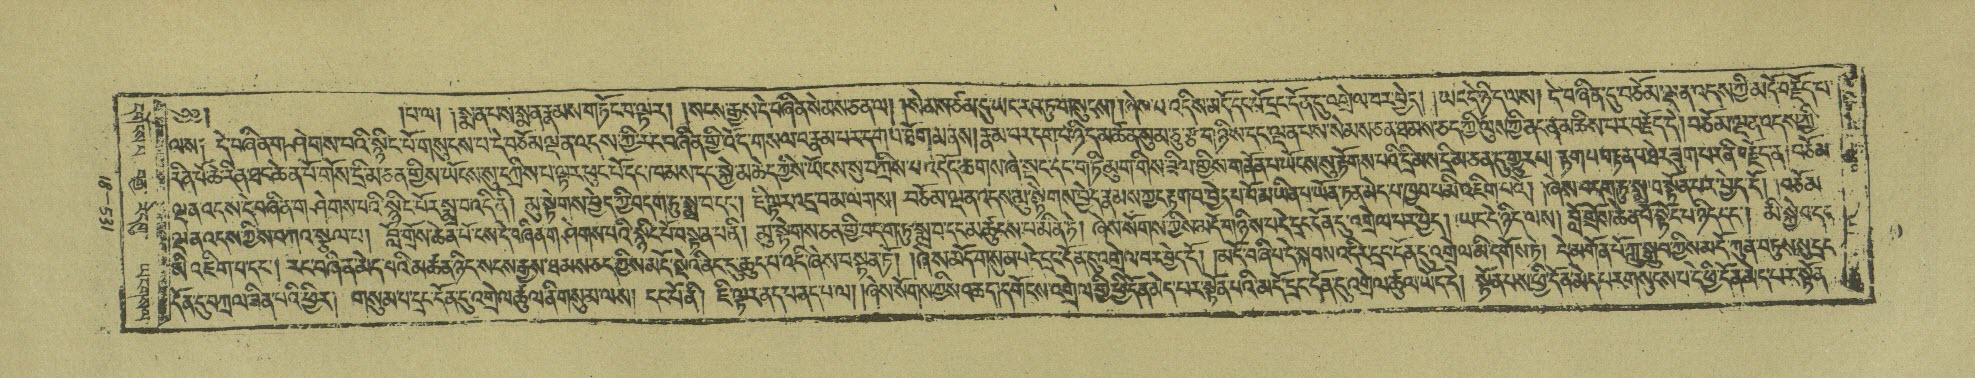༄༅། །པ་ལ། །སྨན་པས་སྨན་རྣམས་གཏོང་བ་ལྟར། །སངས་རྒྱས་དེ་བཞིན་སེམས་ཅན་ལ། །སེམས་ཙམ་དུ་ཡང་རབ་ཏུ་གསུངས། །ཞེས་པ་འདིས་མདོ་དང་པོ་དྲང་དོན་དུ་འགྲེལ་བར་བྱེད། །ཡང་དེ་ཉིད་ལས། དེ་བཞིན་དུ་བཅོམ་ལྡན་འདས་ཀྱི་མདོ་བརྗོད་པ་
ལས། དེ་བཞིན་གཤེགས་པའི་སྙིང་པོ་གསུངས་པ་དེ་བཅོམ་ལྡན་འདས་ཀྱི་རང་བཞིན་གྱི་འོད་གསལ་བ་རྣམ་པར་དག་པ་ཐོག་མ་ནས། རྣམ་པར་དག་པ་ཉིད་མཚན་སུམ་ཅུ་རྩ་གཉིས་དང་ལྡན་པས་སེམས་ཅན་ཐམས་ཅད་ཀྱི་ལུས་ཀྱི་ནང་ན་མཆིས་པར་བརྗོད་དེ། བཅོམ་ལྡན་འདས་ཀྱི་
རིན་པོ་ཆེ་རིན་ཐང་ཆེན་པོ་གོས་དྲི་མ་ཅན་གྱིས་ཡོངས་སུ་བཀྲིས་པ་ལྟར་ཕུང་པོ་དང་ཁམས་དང་སྐྱེ་མཆེད་ཀྱིས་ཡོངས་སུ་བཀྲིས་པ་འདོད་ཆགས་ཞེ་སྡང་དང་གཏི་མུག་གིས་ཟིལ་གྱིས་གནོན་པ་ཡོངས་སུ་རྟོགས་པའི་དྲི་མས་དྲི་མ་ཅན་དུ་གྱུར་པ། རྟག་པ་བརྟན་པ་ཐེར་ཟུག་པར་ནི་བརྗོད་ན། བཅོམ་
ལྡན་འདས་དེ་བཞིན་གཤེགས་པའི་སྙིང་པོར་སྨྲ་བ་འདི་ནི། མུ་སྟེགས་བྱེད་ཀྱི་བདག་ཏུ་སྨྲ་བ་དང་། ཇི་ལྟར་འདྲ་བ་མ་ལགས། བཅོམ་ལྡན་འདས་མུ་སྟེགས་བྱེད་རྣམས་ཀྱང་རྟག་པ་བྱེད་པ་པོ་མ་ཡིན་པ་ཡོན་ཏན་མེད་པ་ཁྱབ་པ་མི་འཇིག་པའོ། །ཞེས་བདག་ཏུ་སྨྲ་བ་སྟོན་པར་བྱེད་དོ། །བཅོམ་
ལྡན་འདས་ཀྱི་བཀའ་སྩལ་པ། བློ་གྲོས་ཆེན་པོ་ངས་དེ་བཞིན་གཤེགས་པའི་སྙིང་པོ་བསྟན་པ་ནི། མུ་སྟེགས་ཅན་གྱི་བདག་ཏུ་སྨྲ་བ་དང་མཚུངས་པ་མིན་ཏེ། ཞེས་སོགས་ཀྱིས་མདོ་གཉིས་པ་དེ་དྲང་དོན་དུ་འགྲེལ་པར་བྱེད། ཡང་དེ་ཉིད་ལས། བློ་གྲོས་ཆེན་པོ་སྟོང་པ་ཉིད་དང་། མི་སྐྱེ་བ་དང་
མི་འཇིག་པ་དང་། རང་བཞིན་མེད་པའི་མཚན་ཉིད་སངས་རྒྱས་ཐམས་ཅད་ཀྱིས་མདོ་སྡེའི་ནང་དུ་ཆུད་པ་འདི་ཞེས་བསྟན་ཏོ། །ཞེས་མདོ་གསུམ་པ་དེ་དྲང་དོན་དུ་འགྲེལ་བར་བྱེད་དོ། །མོད་བཞི་པ་དེ་སྐབས་འདིར་དྲང་དོན་དུ་འགྲེལ་མི་དགོས་ཏེ། དེ་མགོན་པོ་ཀླུ་སྒྲུབ་ཀྱིས་མདོ་ཀུན་བཏུས་སུ་དྲང་
དོན་དུ་བཀྲལ་ཟིན་པའི་ཕྱིར། གསུམ་པ་དྲང་དོན་དུ་འགྲེལ་ཚུལ་ནི་གསུམ་ལས། དང་པོ་ནི། ཇི་ལྟར་ནད་པ་ནད་པ་ལ། །ཞེས་སོགས་ཀྱིས་འཆད། དགོངས་འགྲེལ་གྱི་ཕྱི་དོན་མེད་པར་སྟོན་པའི་མདོ་དྲང་དོན་དུ་འགྲེལ་ཚུལ་ཡོད་དེ། སྟོན་པས་ཕྱི་དོན་མེད་པར་གསུངས་པ་དེ་ཕྱི་དོན་མེད་པར་སྟོན་